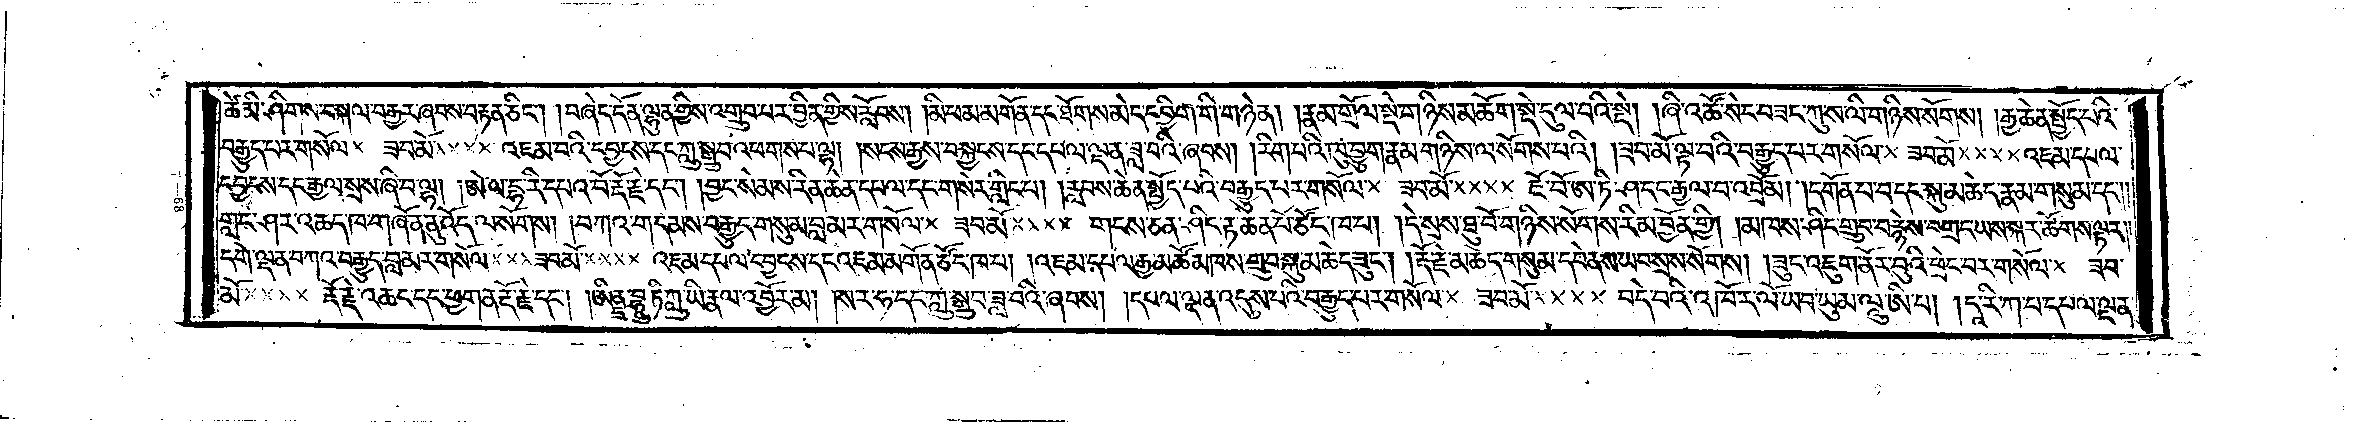ཚེ་མི་ཤིགས་བསྐལ་བརྒྱར་ཞབས་བརྟན་ཅིང་། །བཞེད་དོན་ལྷུན་གྱིས་འགྲུབ་པར་བྱིན་གྱིས་རློབས། །མི་ཕམ་མགོན་དང་ཐོགས་མེད་དབྱིག་གི་གཉེན། །རྣམ་གྲོལ་སྡེ་གཉིས་མཆོག་སྡེ་དུལ་བའི་སྡེ། །ཞི་འཚོ་སེང་བཟང་ཀུས་ལི་གཉིས་སོགས། །རྒྱ་ཆེན་སྤྱོད་པའི་
བརྒྱུད་པར་གསོལ་྾་ཟབ་མོ་྾་྾་྾་འཇམ་བའི་དབྱངས་དང་ཀླུ་སྒྲུབ་འཕགས་པ་ལྷ། །སངས་རྒྱས་བསྐྱངས་དང་དཔལ་ལྡན་ཟླ་བའི་ཞབས། །རིག་པའི་ཁུ་བྱུག་རྣམ་གཉིས་ལ་སོགས་པའི། །ཟབ་མོ་ལྟ་བའི་བརྒྱུད་པར་གསོལ་྾་ཟབ་མོ་྾་྾་྾་འཇམ་དཔལ་
དབྱངས་དང་རྒྱལ་སྲས་ཞི་བ་ལྷ། །ཨེ་ལ་དྷ་རི་དཔའ་བོ་རྡོ་རྗེ་དང་། །བྱང་སེམས་རིན་ཆེན་དཔལ་དང་གསོར་གླིང་བ། །རླབས་ཆེན་སྤྱོད་པའི་བརྒྱུད་པར་གསོལ་྾་ཟབ་མོ་྾་྾་྾་ཇོ་བོ་ཨ་ཏི་ཤ་དང་རྒྱལ་བ་འབྲོམ། །དགོན་པ་བ་དང་སྐུ་མཆེད་རྣམ་གསུམ་དང་། །
གླང་ཤར་འཆད་ཁ་གཞོན་ནུ་འོད་ལ་སོགས། །བཀའ་གདམས་བརྒྱུད་གསུམ་བླ་མར་གསོལ་྾་ཟབ་མོ་྾་྾་྾་གངས་ཅན་ཤིང་རྟ་ཆེན་པོ་ཙོང་ཁ་པ། །དེ་སྲས་ཐུ་བོ་གཉིས་སོགས་རིམ་བྱོན་གྱི། །མཁས་ཤིང་གྲུབ་བརྙེས་བགྲང་ཡས་སྐར་ཚོགས་ལྟར།
དགེ་ལྡན་བཀའ་བརྒྱུད་བླ་མར་གསོལ་྾་྾་྾་ཟབ་མོ་྾་྾་྾་འཇམ་དཔལ་དབྱངས་དང་འཇམ་མགོན་ཙོང་ཁ་པ། །འཇམ་དཔལ་རྒྱ་མཚོ་མཁས་གྲུབ་སྐུ་མཆེད་ཟུང་། །རྡོ་རྗེ་མཆེད་གསུམ་དཔེ་ནས་ཡབ་སྲས་སོགས། །ཟུང་འཇུག་ནོར་བུའི་ཕྲེང་བར་གསོལ་྾་ཟབ་
མོ་྾་྾་྾་རྡོ་རྗེ་འཆང་དང་ཕྱག་ན་རྡོ་རྗེ་དང་། །ཨིནྡྲ་བྷཱུ་ཏི་ཀླུ་ཡི་རྣལ་འབྱོར་མ། །ས་ར་ཧ་དང་ཀླུ་སྒྲུབ་ཟླ་བའི་ཞབས། །དཔལ་ལྡན་འདུས་པའི་བརྒྱུད་པར་གསོལ་྾་ཟབ་མོ་྾་྾་བདེ་བའི་འཁོར་ལོ་ཡབ་ཡུམ་ལཱུ་ཨི་པ། །དཱ་རི་ཀ་པ་དཔལ་ལྡན་